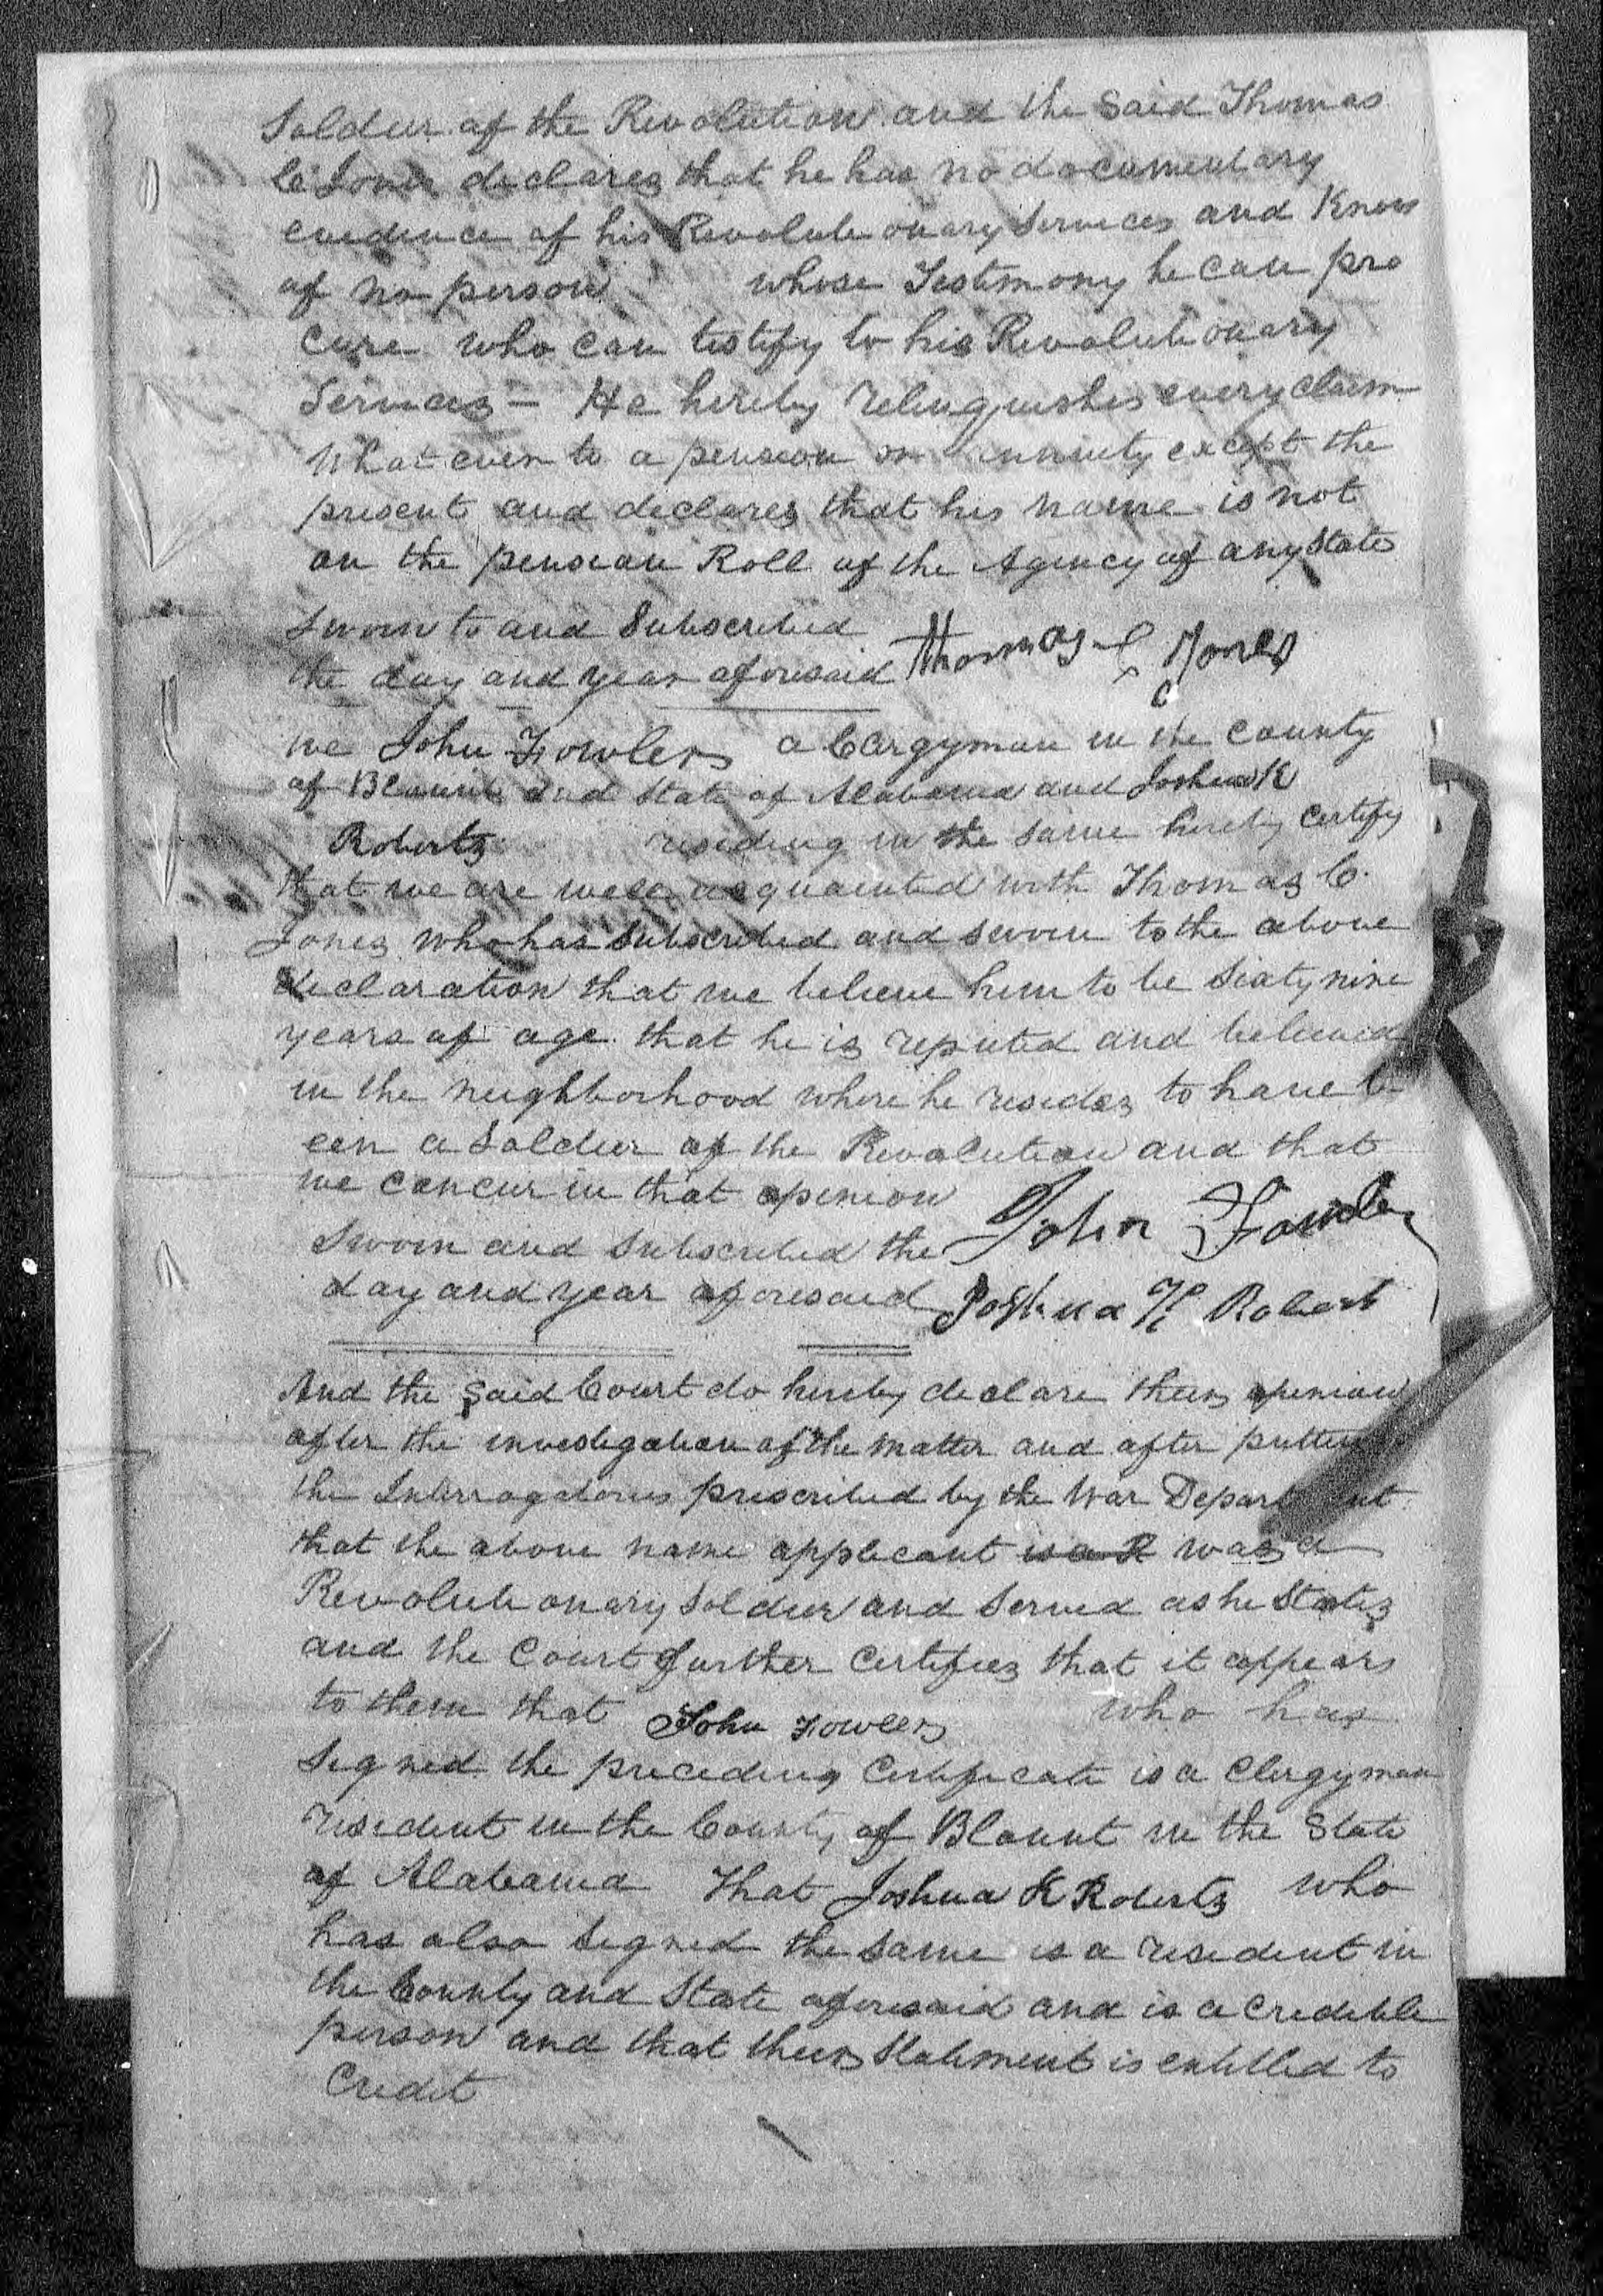soldier of the Revolution and the said Thomas
C Jones declares that he has no documentary
evidence of his Revolutionary Services and knows
of no person whose testimony he can procure
who can testify to his Revolutionary
Services - He hereby relinquishes every claim
whatever to a pension or annuity except the
present and declares that his name is not
on the Pension Roll of the Agency of any States
Sworn to and Subscribed 
the day and year aforesaid.    Thomas C Jones
we John Fowler a clergyman in the county
of Blount and State of Alabama and Joshua K
Roberts residing in the same hereby certify
that we are well acquainted with Thomas C.
Joes who has subscribed and sworn to the above
Declaration that we believe him to be Sixty nine
years of age. that he is reputed ad believed
in the neighborhood where he resides to have been
a Soldier of the Revolution and that
we concur in that opinion
sworn and subscribed the 
day and year aforesaid.  John Fowler
                                       Joshua K Roberts
And the said Court do hereby declare their opinion
after the investigation of the matter and after putting
the Interrogatories prescribed by the War Department
that the above name applicant was a 
Revolutionary Soldier and served as he states
and the court further certifies that it appears
to them that John Fowler who has 
signed the preceding certificate as a clergyman
resident in the County of Blount in the State
of Alabama  That Joshua K Roberts who
has also signed the same is a resident in 
the County and State aforesaid and is a credible
person and that their statement is entitled to 
credit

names: John Fowler; Thomas C Jones; Joshua K Roberts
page: 11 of 45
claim: widow's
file: W. 26160, for Thomas C Jones, Georgia